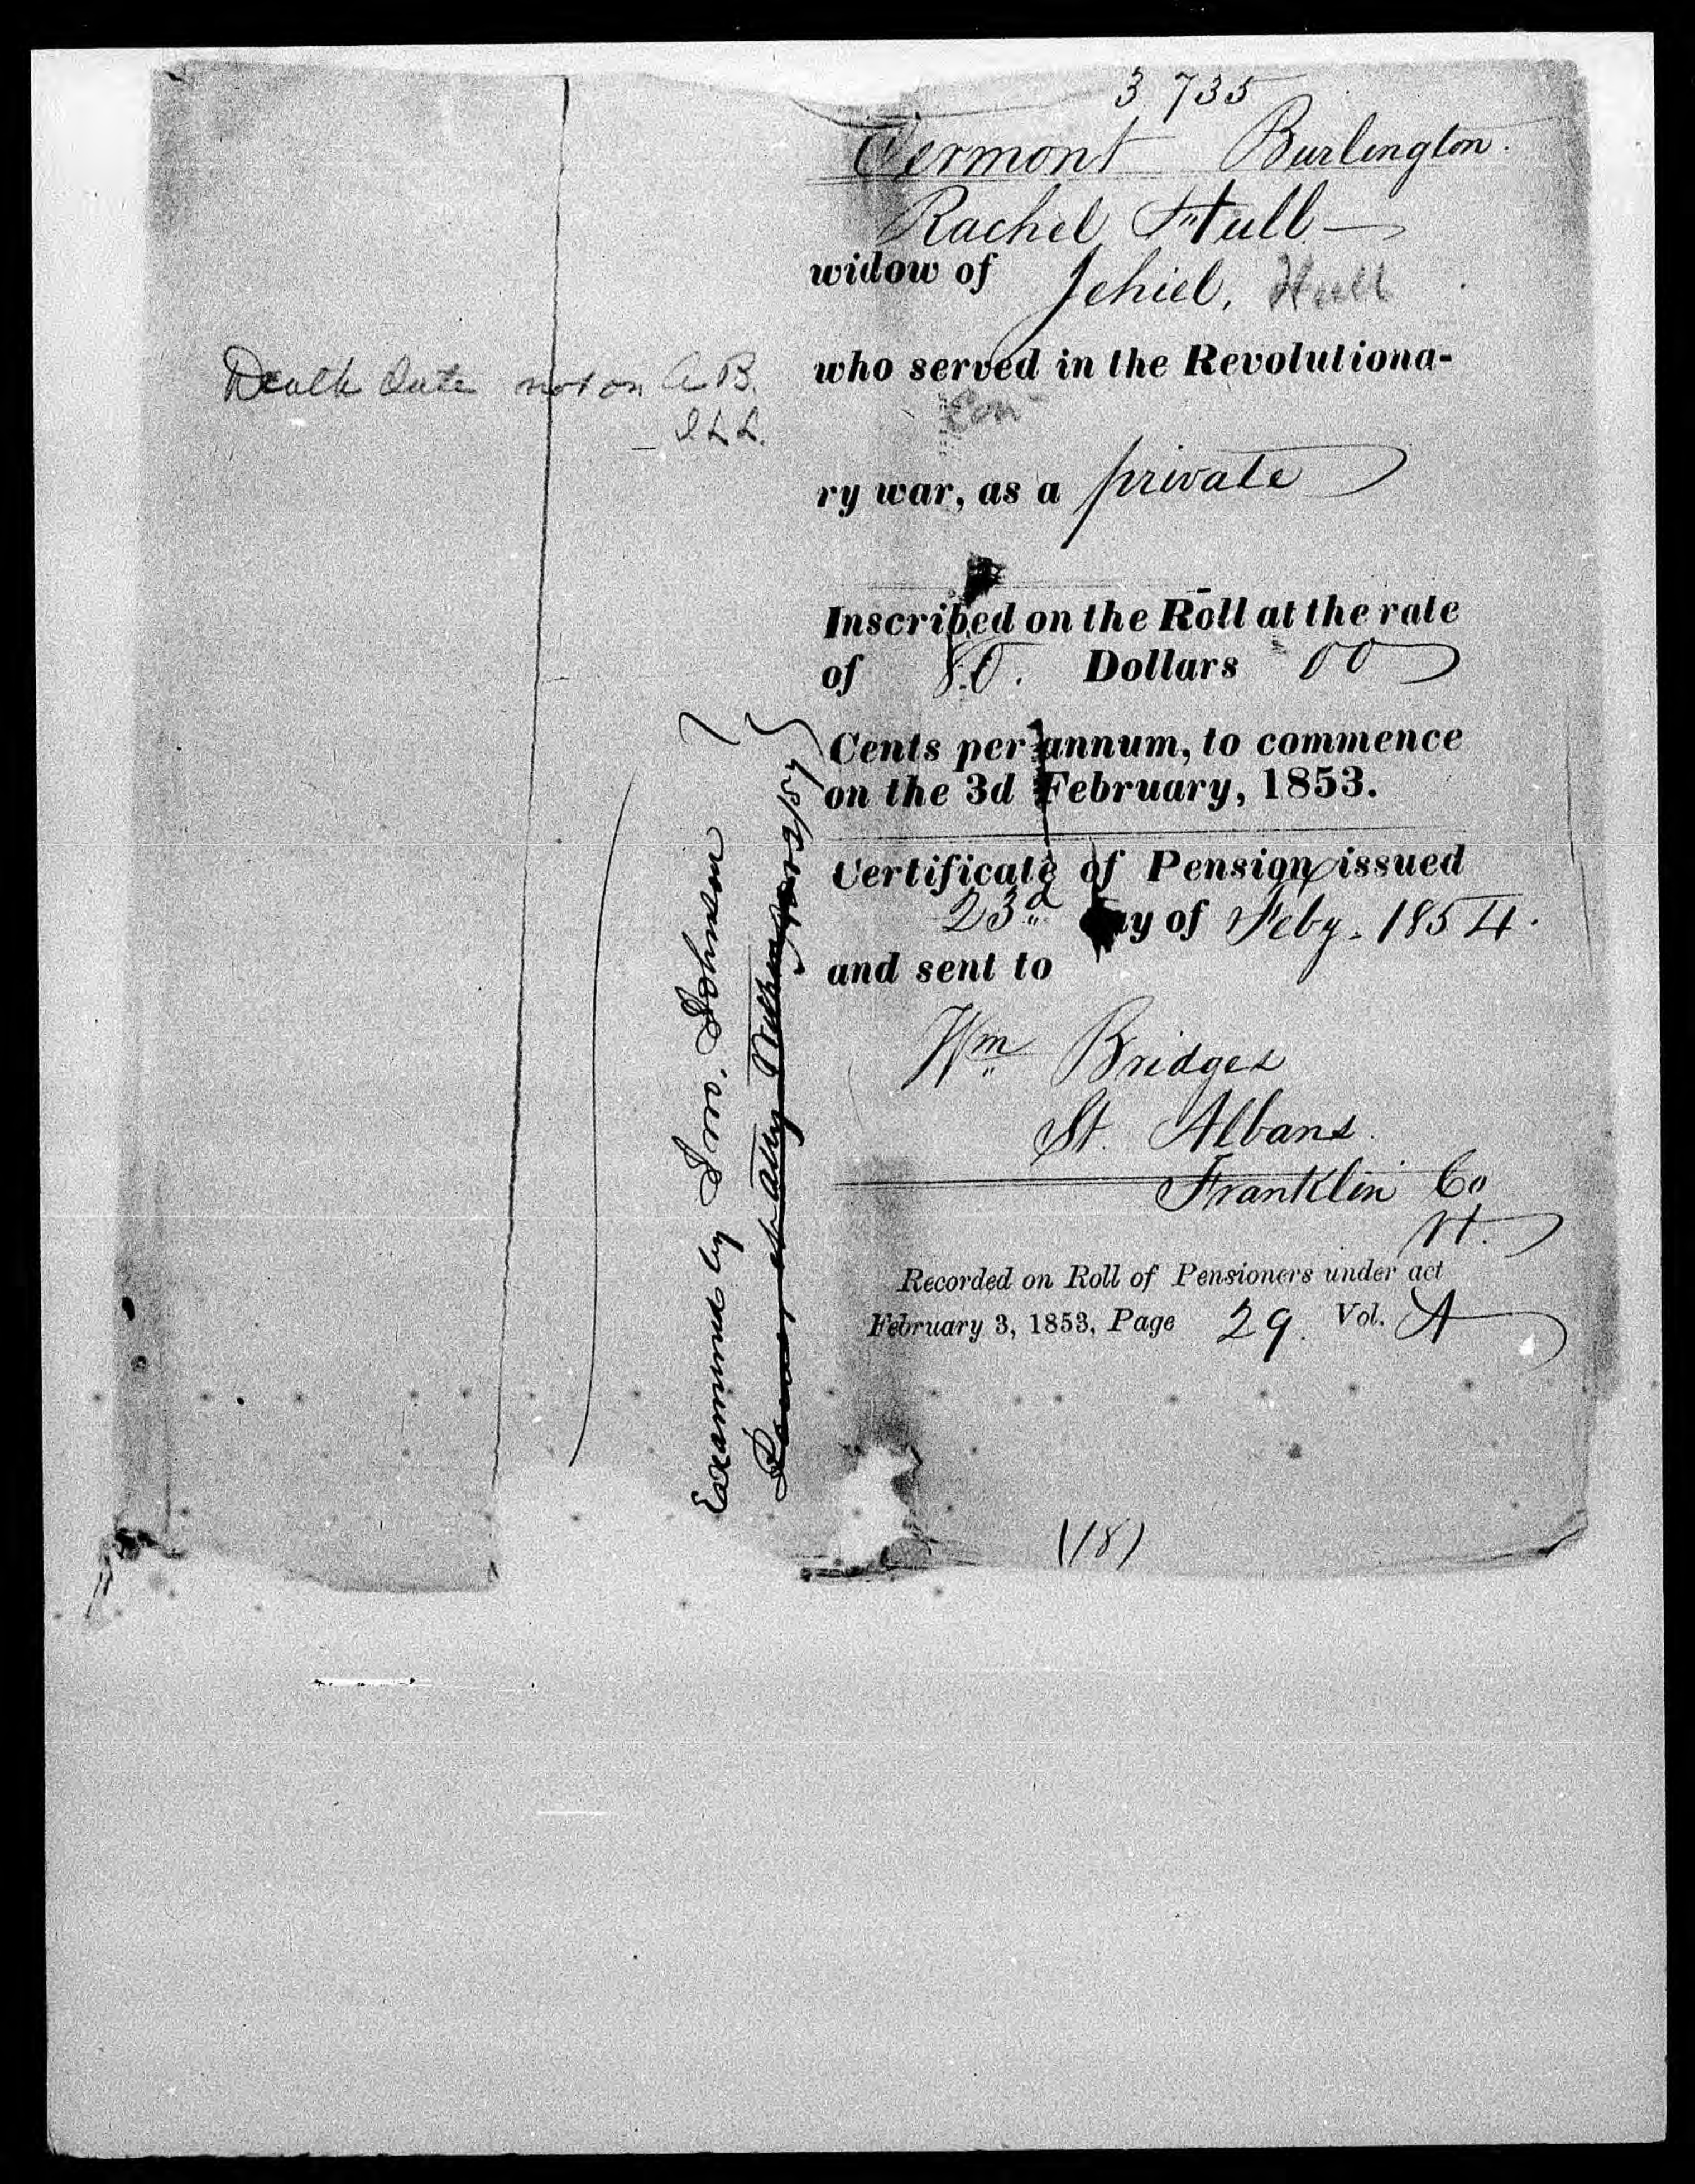3735
Vermont Burlington
Rachel Hull
widow of Jehiel Hull
Death Dute morton A.B. Ill - who served in the Revolutionary war, was a private
Inscribed on the Roll at the rate of 80 Dollars
cents per annum, to commence 
on the 3d February 1853
Certificate of Pension issued 23d day of Feb 1854
and sent to
Wm Bridges 
St Albans
Franklin Co, Vt
Recorded on Roll of Pensions under act 
February 3, 1853, Page 29, Vol A
Examined by Jno. Johnson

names: Wm Bridges, Jno Johnson, Jehiel Hull, Rachel Hull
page: 4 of 58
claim: widow's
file: W. 25813, Jehiel Hull, Conn.